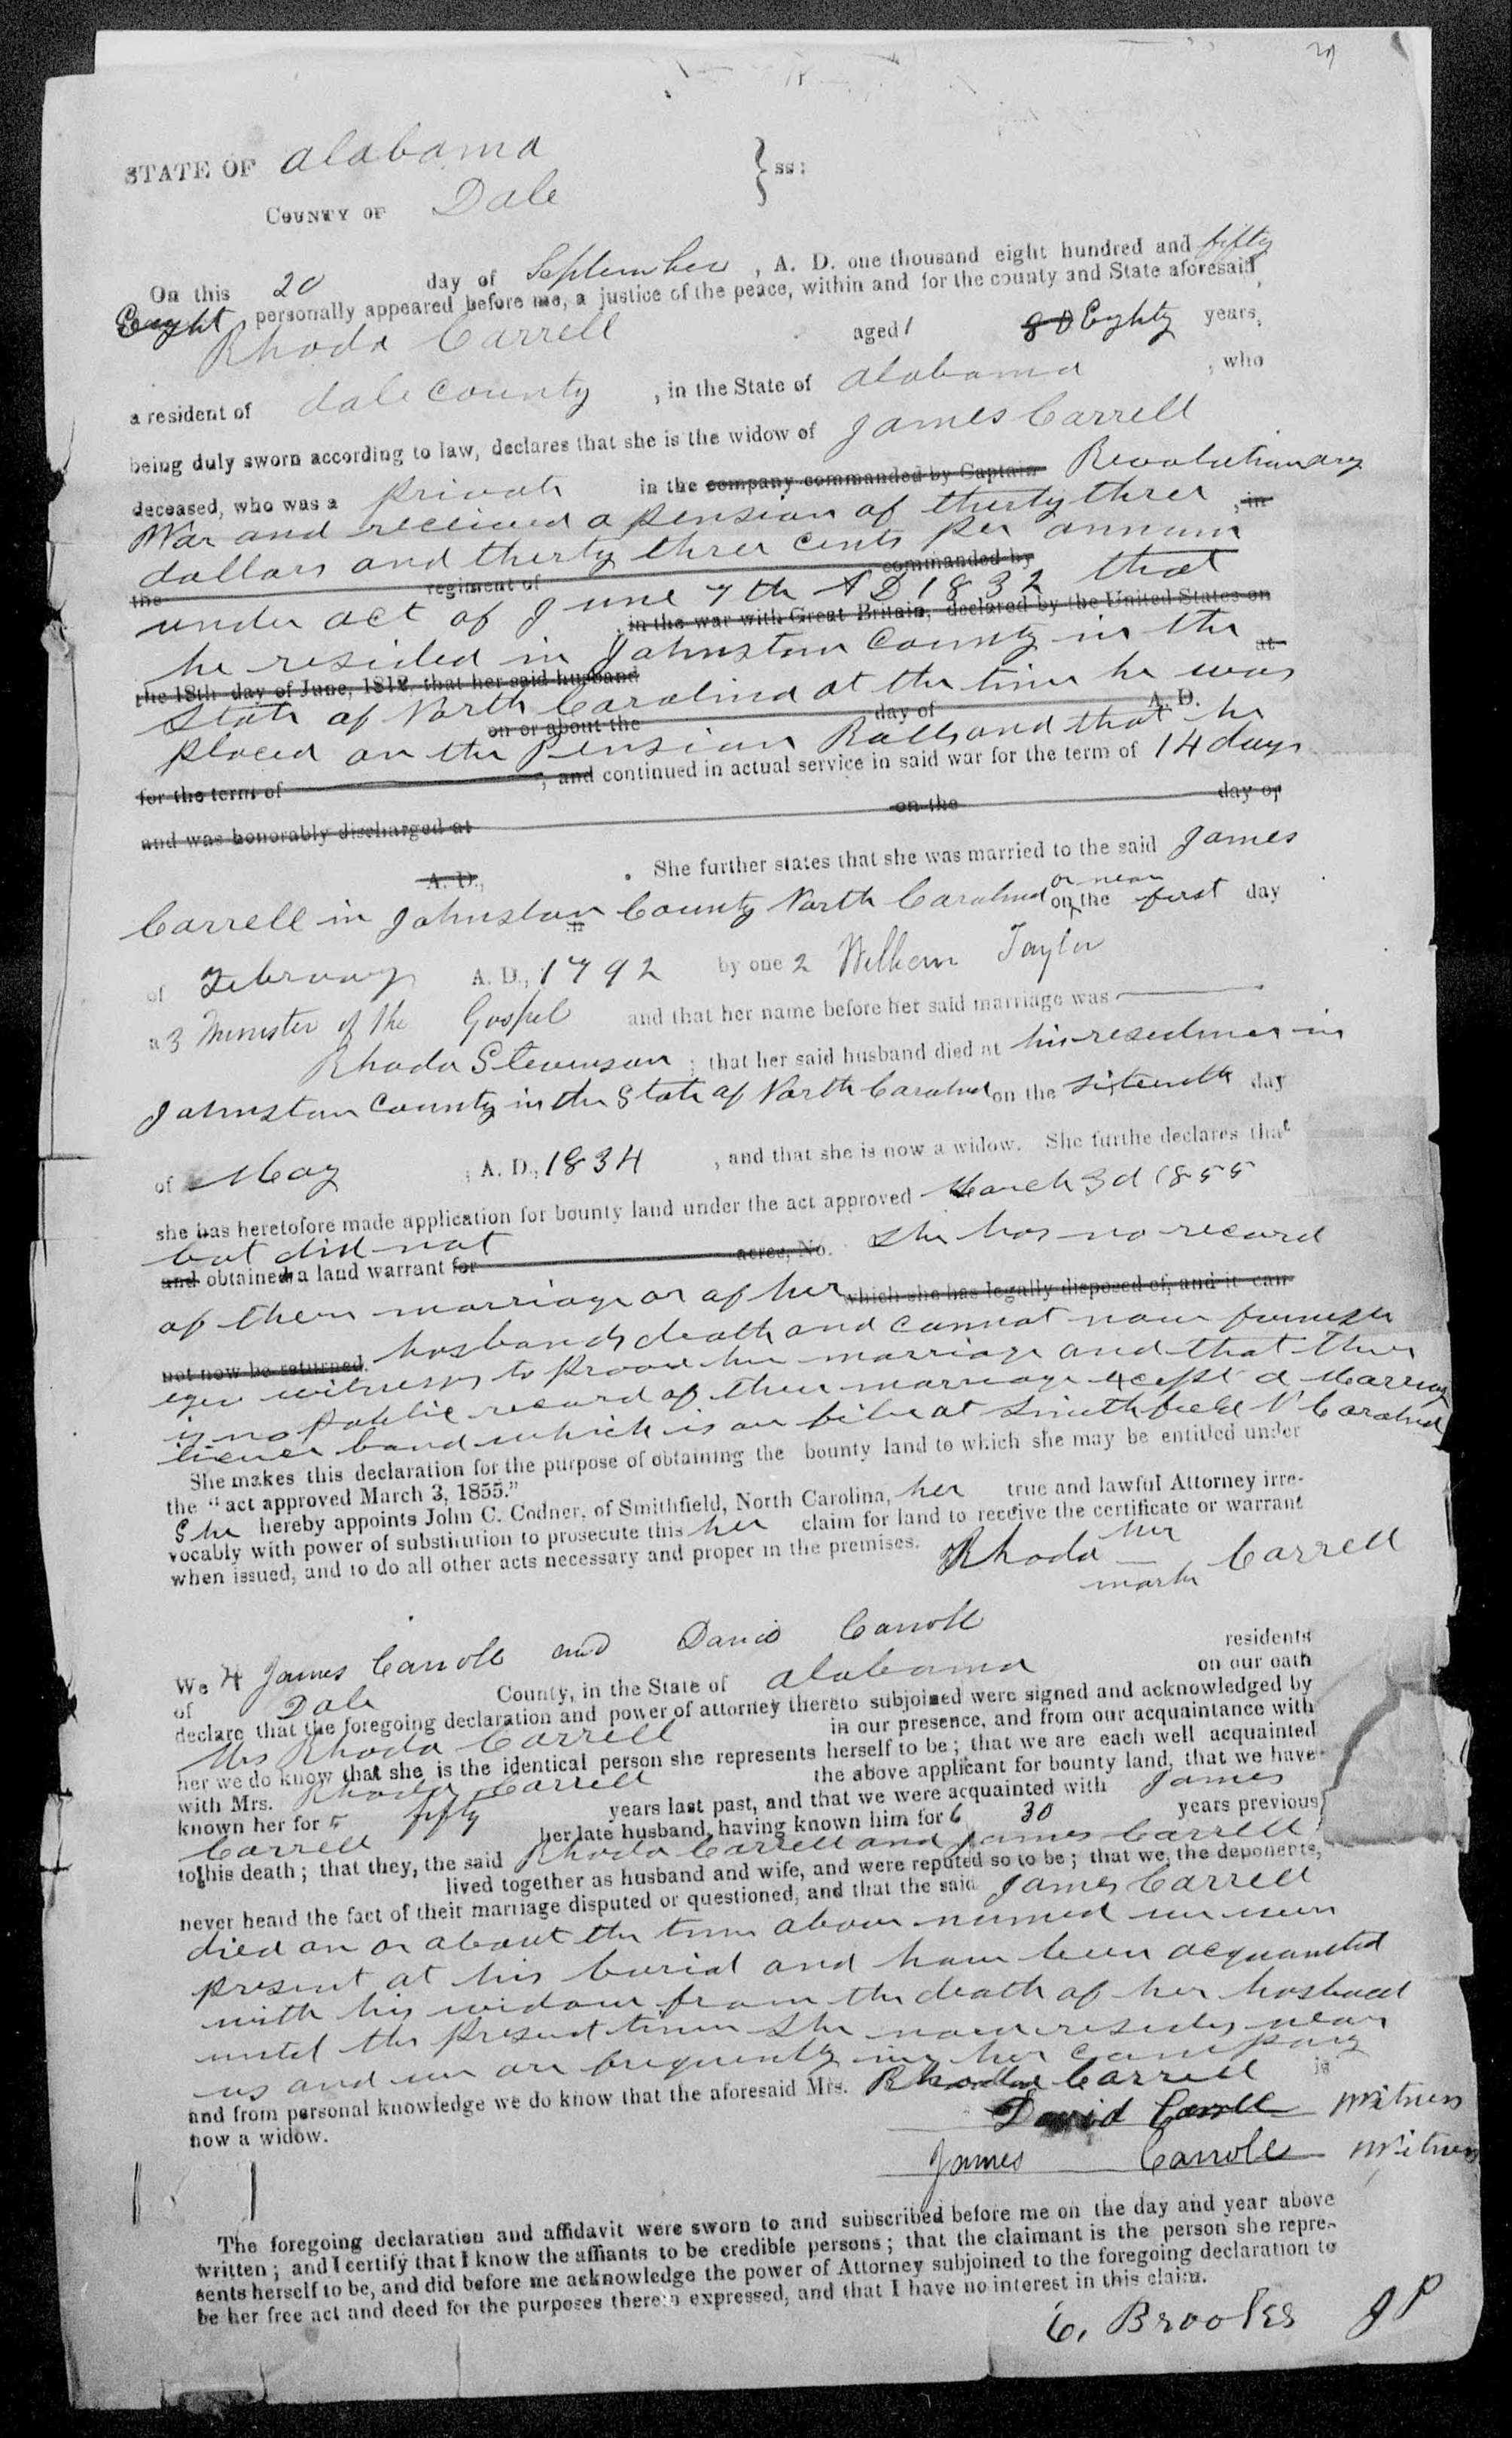State of Alabama
county of Dale } SS:

On this 20 day of September, A.D. one thousand eight hundred and fifty eight personally appeared before me, a just ice of the peace, within and for the county and State aforesaid Rhoda Carrell aged eighty years, a resident of Dale County, in the State of Alabama, who being duly sworn according to law, declares that she is the widow of James Carrell deceased, who was a private in the [crossed out- company commanded by Captain] Revolutionary War and received a pension of  thirty three dollars and thirty three cents per annum under act of June 7th AD 1832 that he resided in Johnston County in the State of North Carolina at the time he was placed on the Pension rolls and that he continued in actual service in said war for the term of 14 days. She further states that she was married to the said James Carrell in Johnston County North Carolina on or near the first day of February A.D. 1792 by a 2 William Taylor and 3 Minister of the Gospel and that her name before said marriage was Rhoda Stevenson; that her said husband died at his residence in Johnston County in the State of North Carolina on the sixteenth  day of May, AD 1834, and that she is now a widow. She further declares that she has heretofore made application for bounty land under the act approved March 3d 1855 but did not obtain a land warrant, she has no record of their marriage or of her husbands death and cannot now furnish eye witnesses to prove her marriage and that there is no public record of their marriage except a marriage liener band which is on file at Smithfield N Carolina.
She makes this declaration for the purpose of obtaining the bounty land to which she may be entitled under the "act approved March 3, 1855".
She hereby appoints John C. Codner, of Smithfield, North Carolina, her true and lawful attorney irrevocably with power of substitution to prosecute this her claim for land to receive the certificate or warrant when issued, and to do all other acts necessary and proper in the premises. Rhoda Carrell (her mark)

We 4 James Carrell and David Carroll residents of Dale County in the State of Alabama on our oath declare that the foregoing declaration and power of attorney thereto subjoined were signed and acknowledged by Mrs. Rhod Carrell in our presence, and from our acquaintance with her do we know that she is the identical person she represents herself to be; that we are each well acquainted with Mrs Rhoda Carrell the above applicant for bounty land, that we have known her for 5 Fifty years last past, and that we were acquainted with James Carrell her late husband having known him for 6  30 years previous to his death; that they, the said Rhoda Carrell and James Carrell lived together as husband and wife, and were reputed so to be; that we the deponents never heard the fact of their marriage disputed or questioned, and that the said James Carrell died on or about the time above named we were present at his burial and have been acquainted with his widow from the death of her husband until the present time she now resides near us and we are frequently in her company and from personal knowledge we do know that the aforesaid Mrs. Rhoda Carrell is now a widow.  David Carrell Witness  James Carroll witness

The foregoing declaration and affidavit were sworn to and subscribed before me on the day and year above written; and I certify that I know the affiants to be credible persons; that the claimant is the person she represents herself to be, and did before me acknowledge the power of Attorney subjoined to the foregoing declaration to be her free act and deed for the purposes thereto expressed, and that I have no interest in this claim.  E. Brooks JP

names: Rhoda Carrell, Rhoda Carrell, Rhoda Carrell, Rhoda Carrell, James Carrell, James Carrell, James Carrell, James Carroll, James Carrell, James Carroll, Rhoda Stevenson, E Brooks, James Carrell, Rhoda Carrell, David Carrell, David Carroll, William Taylor, Rhoda Carrell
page: 20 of 86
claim: widow's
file: W. 6899, James Carrell, N.C.